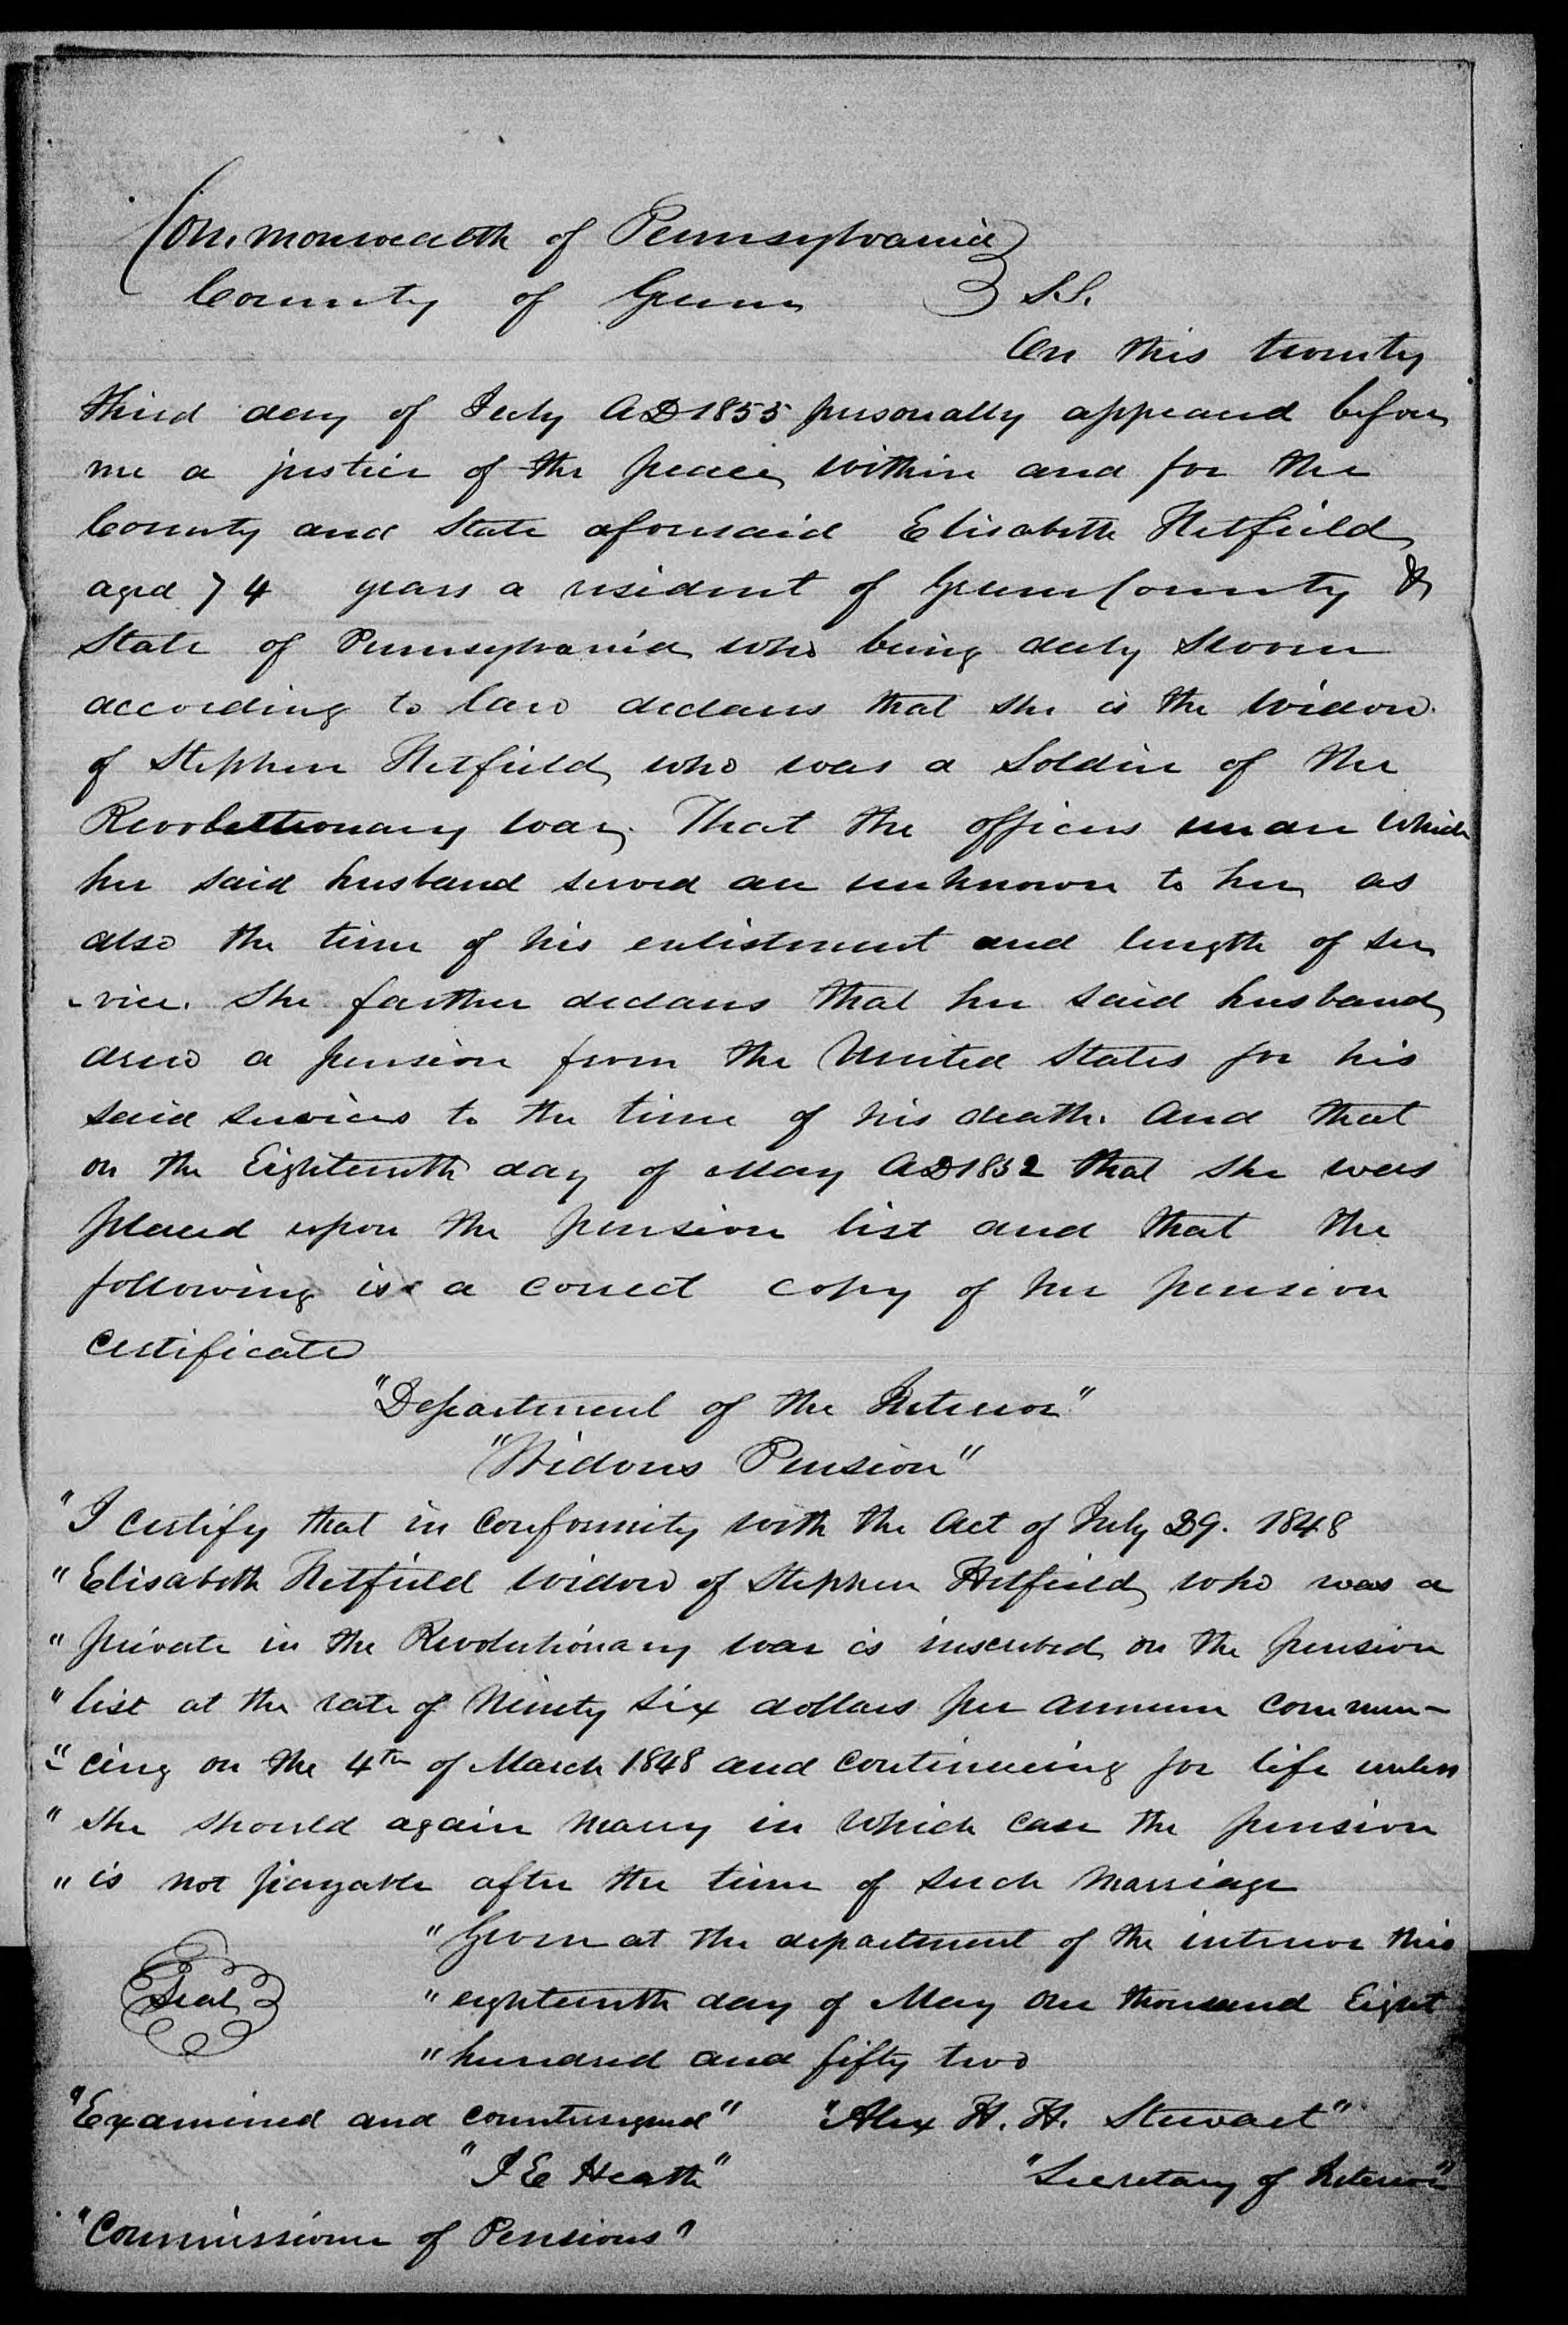Commonwealth of Pennsylvania
County of Greene  S.S.

On this twenty
third day of July AD 1855 personally appeared before
me a justice of the peace within and for the
County and State aforesaid Elisabeth Hetfield
aged 74 years a resident of GreeneCounty &
State of Pennsylvania who being duly Sworn
according to law declares that she is the widow
of Stephen Hetfield who was a Soldier of the
Revolutionary war. That the officers under which
her said husband served are unknown to her as
also the time of his enlistment and length of service.
She farther declares that her said husband
drew a pension from the United States for his
said services to the time of his death. And that
on the Eighteenth day of May AD 1852 that she was
placed upon the pension list and that the
following is a correct copy of her pension 
certificate

"Department of the Return"
"Widows Pension"
"I certify that in conformity with the Act of July 29, 1848
"Elisabeth Hetfield widow of Stephen Hetfield who was a
"private in the Revolutionary war is inscribed on the pension
"list at the rate of ninety six dollars per annum commencing
"on the 4th of March 1848 and continuing for life unless
"she should again marry in which case the pension
"is not payable after the time of such marriage

[A copy of a seal was drawn in on the left] 
"Given at the department of the interior this
"eighteenth day of May one thousand Eight
"hundred and fifty two

"Examined and countersigned"  "Alex H.H. Stewart"    
"Secretary of Interior"
"J E Heath"
"Commissioner of Pensions"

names: Alex H H Stewart, Stephen Hetfield, J E Heath, Elisabeth Hetfield, Elisabeth Hetfield, Stephen Hetfield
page: 19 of 45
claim: widow's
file: W. 2734, Stephen Hetfield, New Jersey